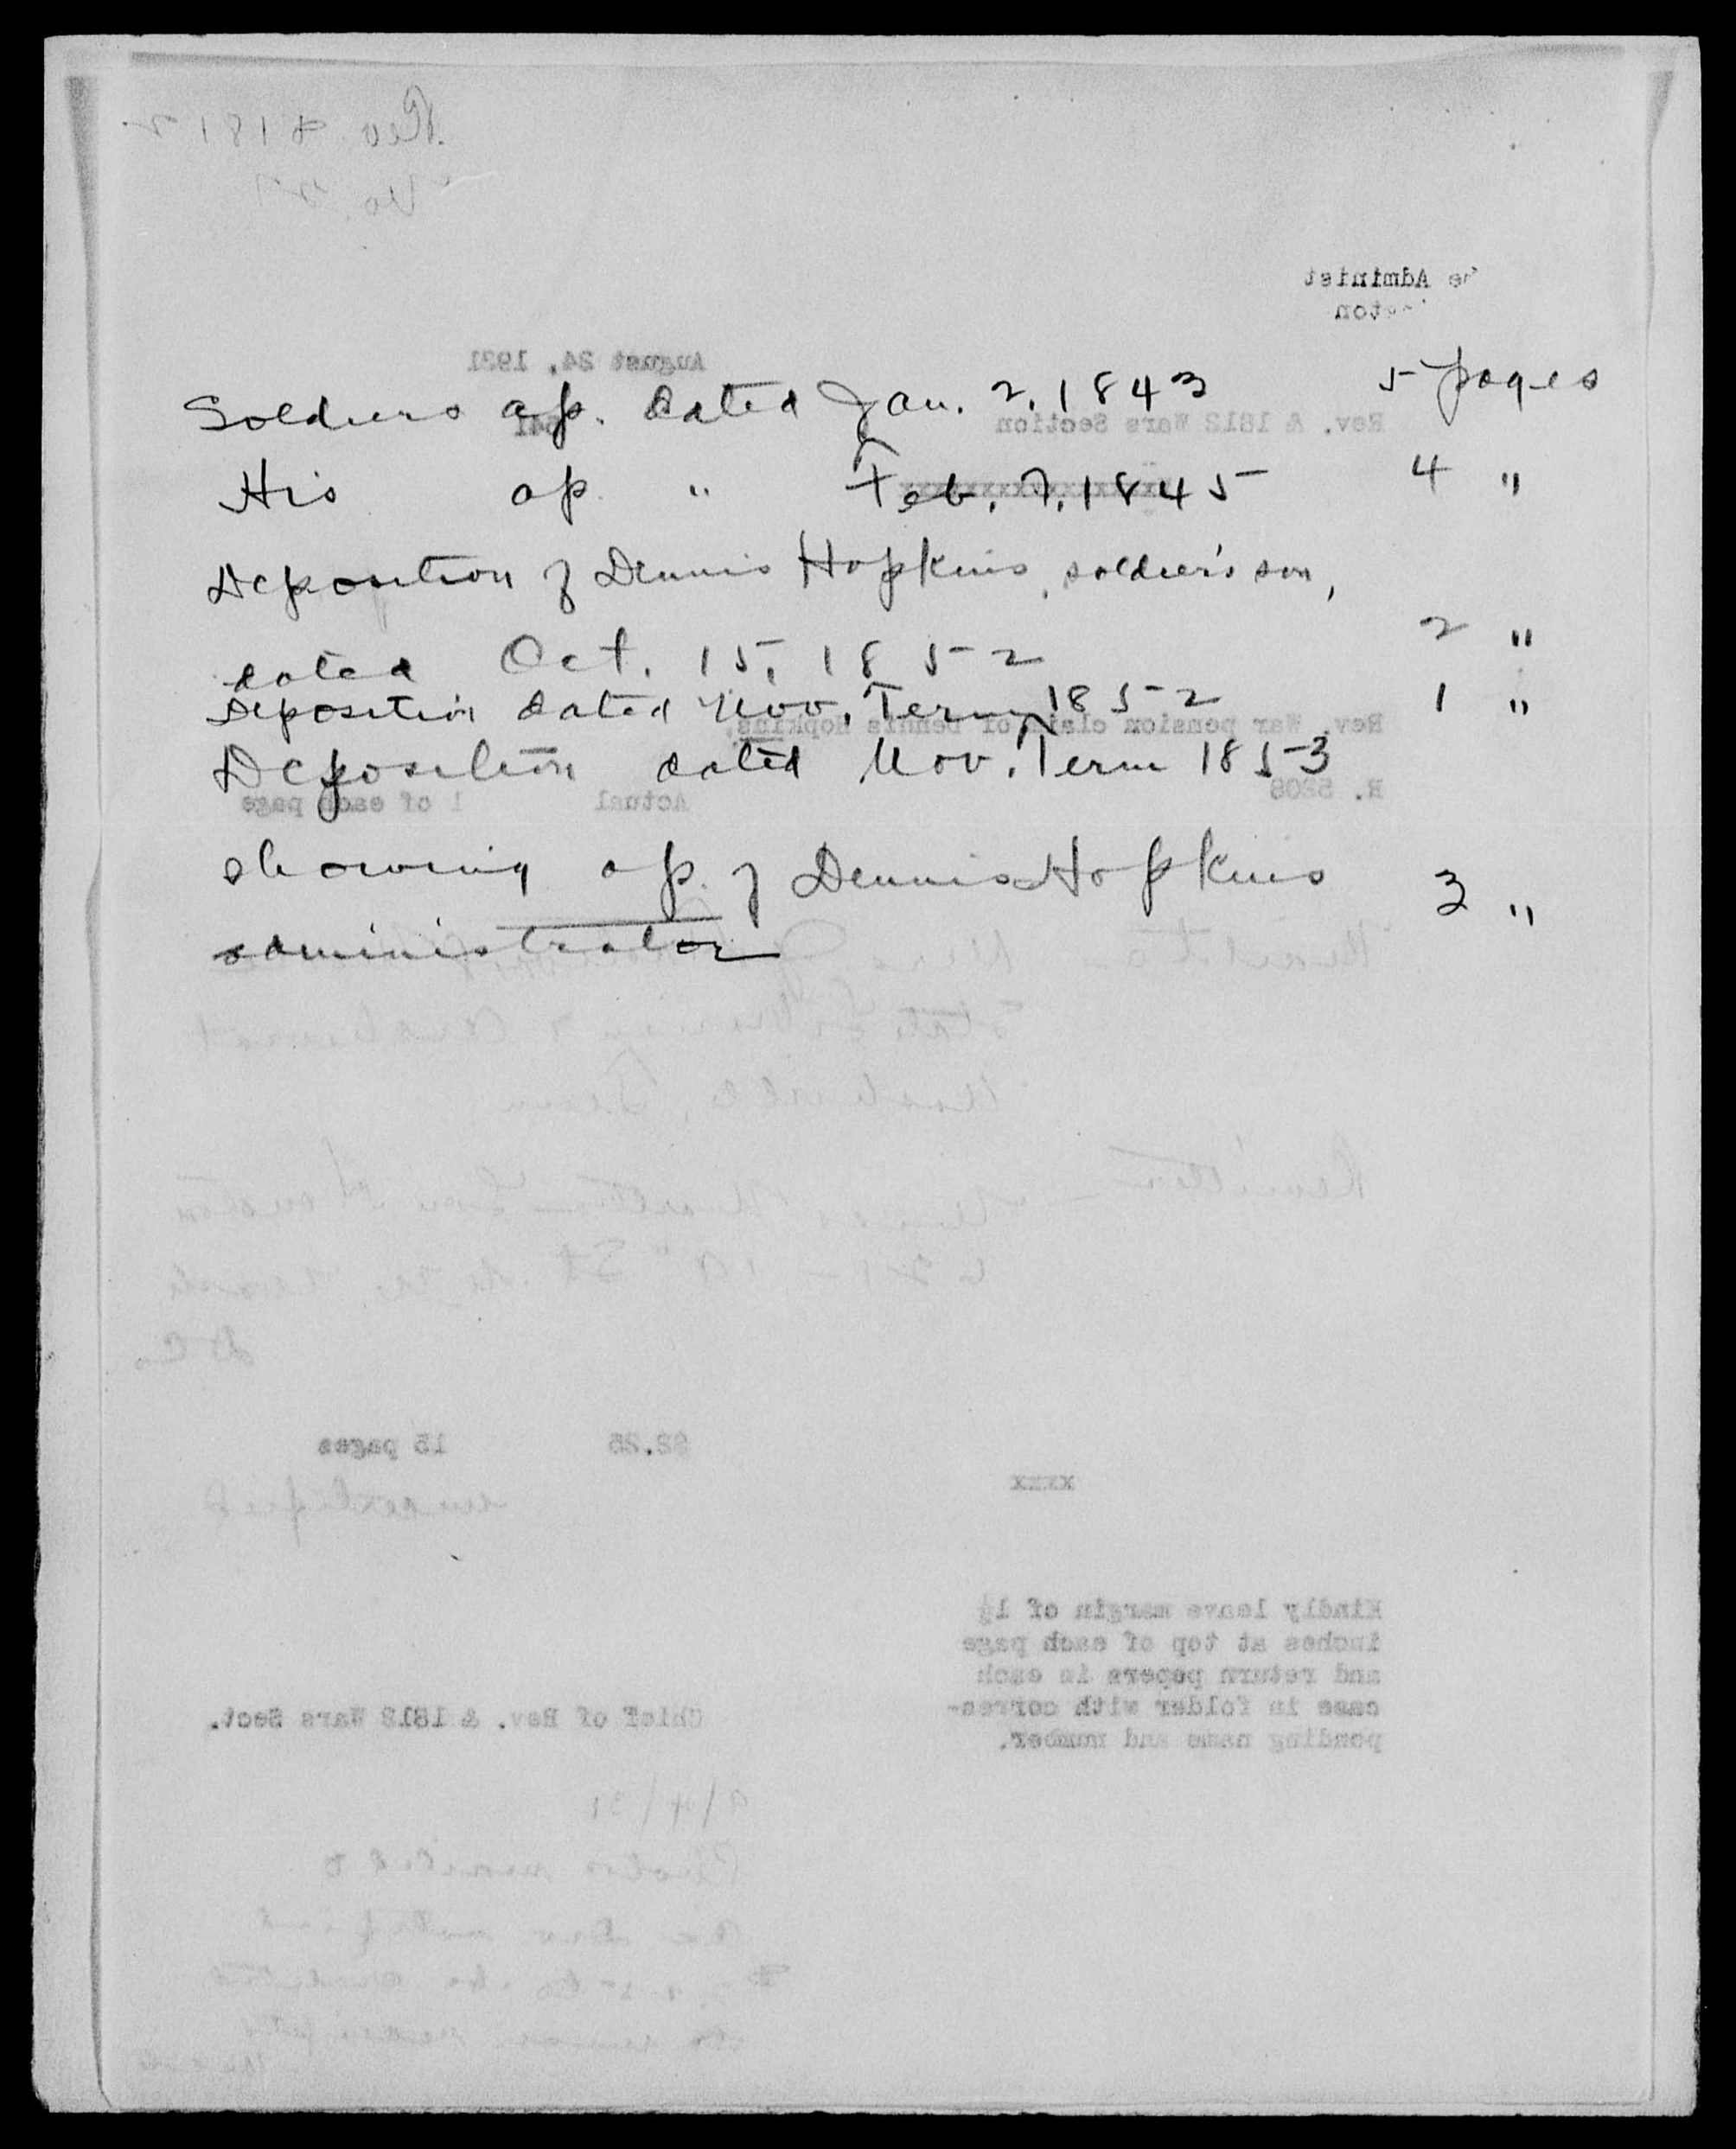Soldiers ap. dated Jan 2, 1843
5 pages
His ap. " (Dated) Feb. 7, 1845 
4 " (Pages)
Deposition of Dennis Hopkins soldier's son, 
Dated Oct. 15, 1852
2 " (Pages)
Deposition dated Nov, Term 1852
1" (Pages)
Deposition dated Nov. Term 1853
Showing ap of Dennis Hopkins administrator
3" (Pages)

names: Dennis Hopkins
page: 56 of 144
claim: rejected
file: R. 5208, Dennis Hopkins, N.C.